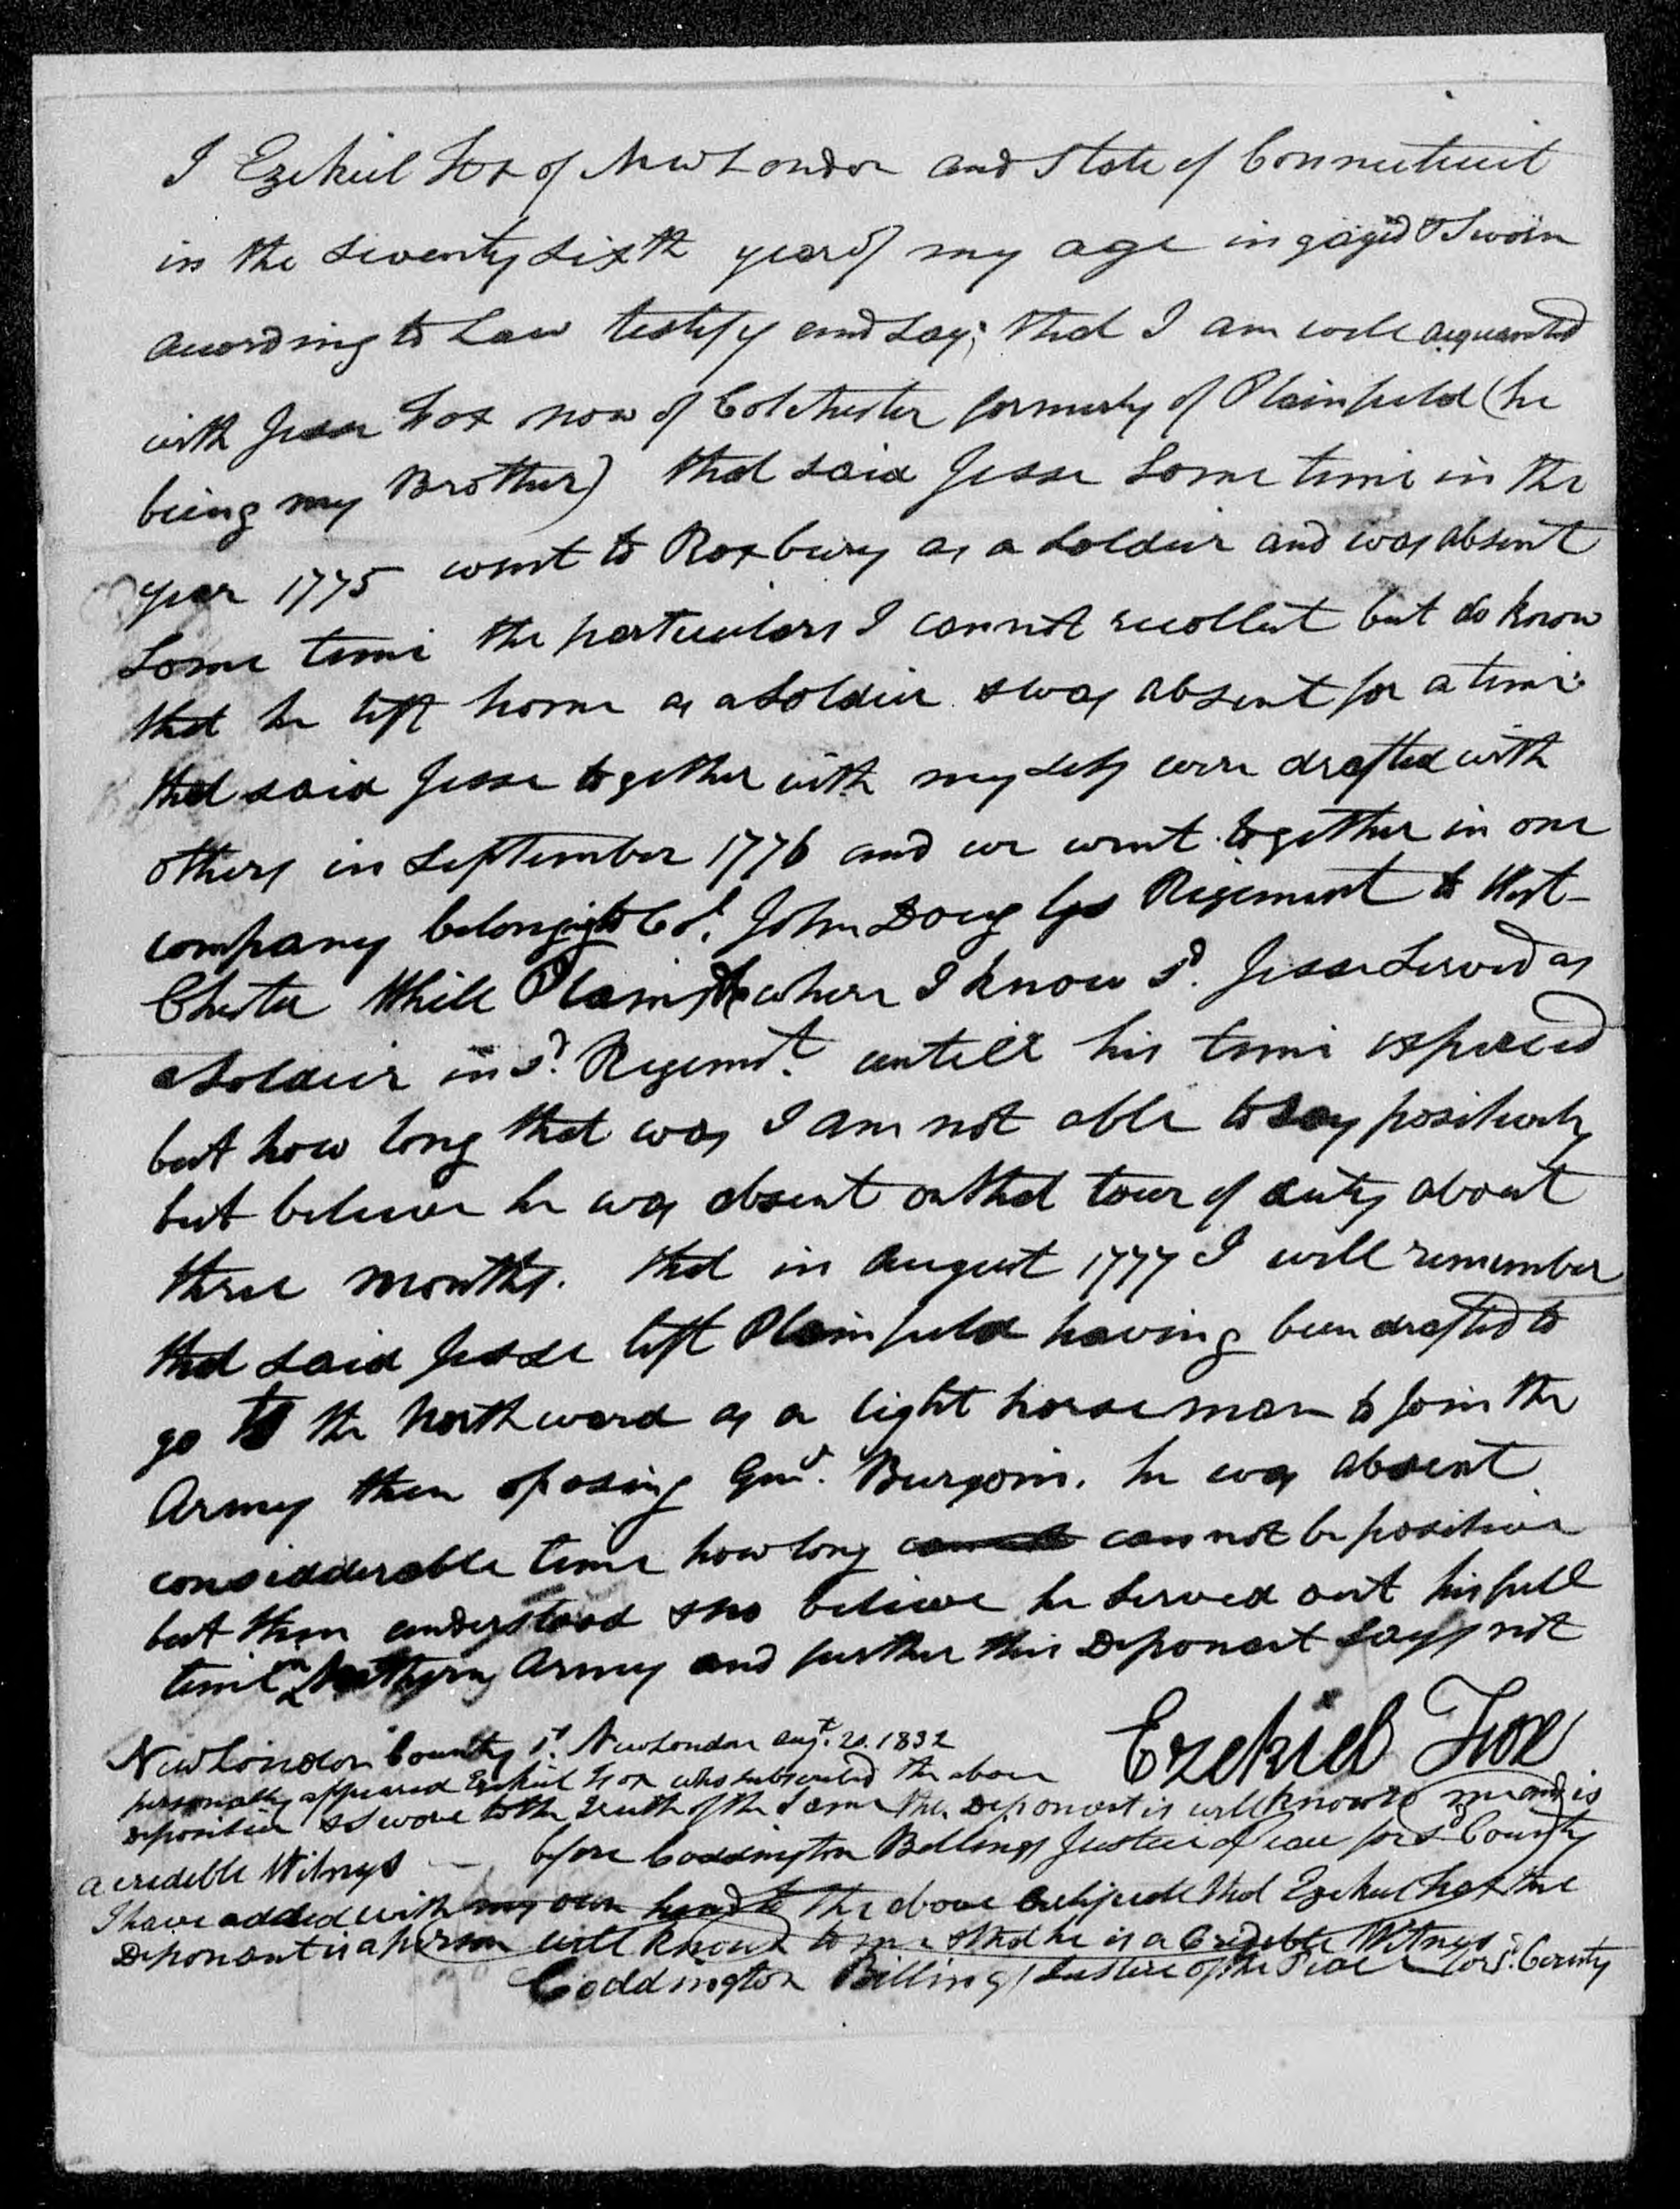I Ezekiel Fox of New London and state of Connecticut in the seventy sixth year of my age in [unk] & sworn according to law testify and say that I am well acquainted with Jesse Fox now of Colchester, formerly of Plainfield (he being my brother) that said Jesse sometime in the year 1775 went to Roxbury as a soldier and was absent some time, the particulars I cannot recollect but do know that he left home as a soldier & was absent for a time; the said Jesse together with myself were drafted with other in September 1776 and we went together in one company belonging to Col John Douglas Regiment to West Chester, White Plains where I know sd Jesse served as a soldier in sd Regiment untill his term expired but how long that was I am not able to say positively but believe he was absent on that tour of duty about three months, that in August 1777 I well remember that said Jesse left Plainfield having been drafted to go to the northward as a light horseman to join the army then [unk] Genl Burgoin, he was absent considerable time how long cannot be positive but then understood & he believe he served out his full time in Northern Army and further this deponent say not.

Ezekiah Fox

New Lincoln County ss. New London Augt 20, 1832
personally appeared Ezekial Fox who subscribed the above deposition & swore to the truth of the I am deponent is well known and is a credible witness.
Before Coddington Billings Justice of the Peace for sd County.
I have added with my own hand to the above [unk] that Ezekiah Fox that deponent is a person well know to me & that he is a credible witness.
Coddington Billings Justice of the Peace for sd County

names: Ezekiel Fox, Jesse, Coddington Billings, Jesse Fox, Ezekiel Fox, Jesse, Jesse, Ezekiel Fox, Jesse, Coddington Billings, Ezekiel Fox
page: 18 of 53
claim: rejected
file: R. 3732, Jesse Fox, Conn.